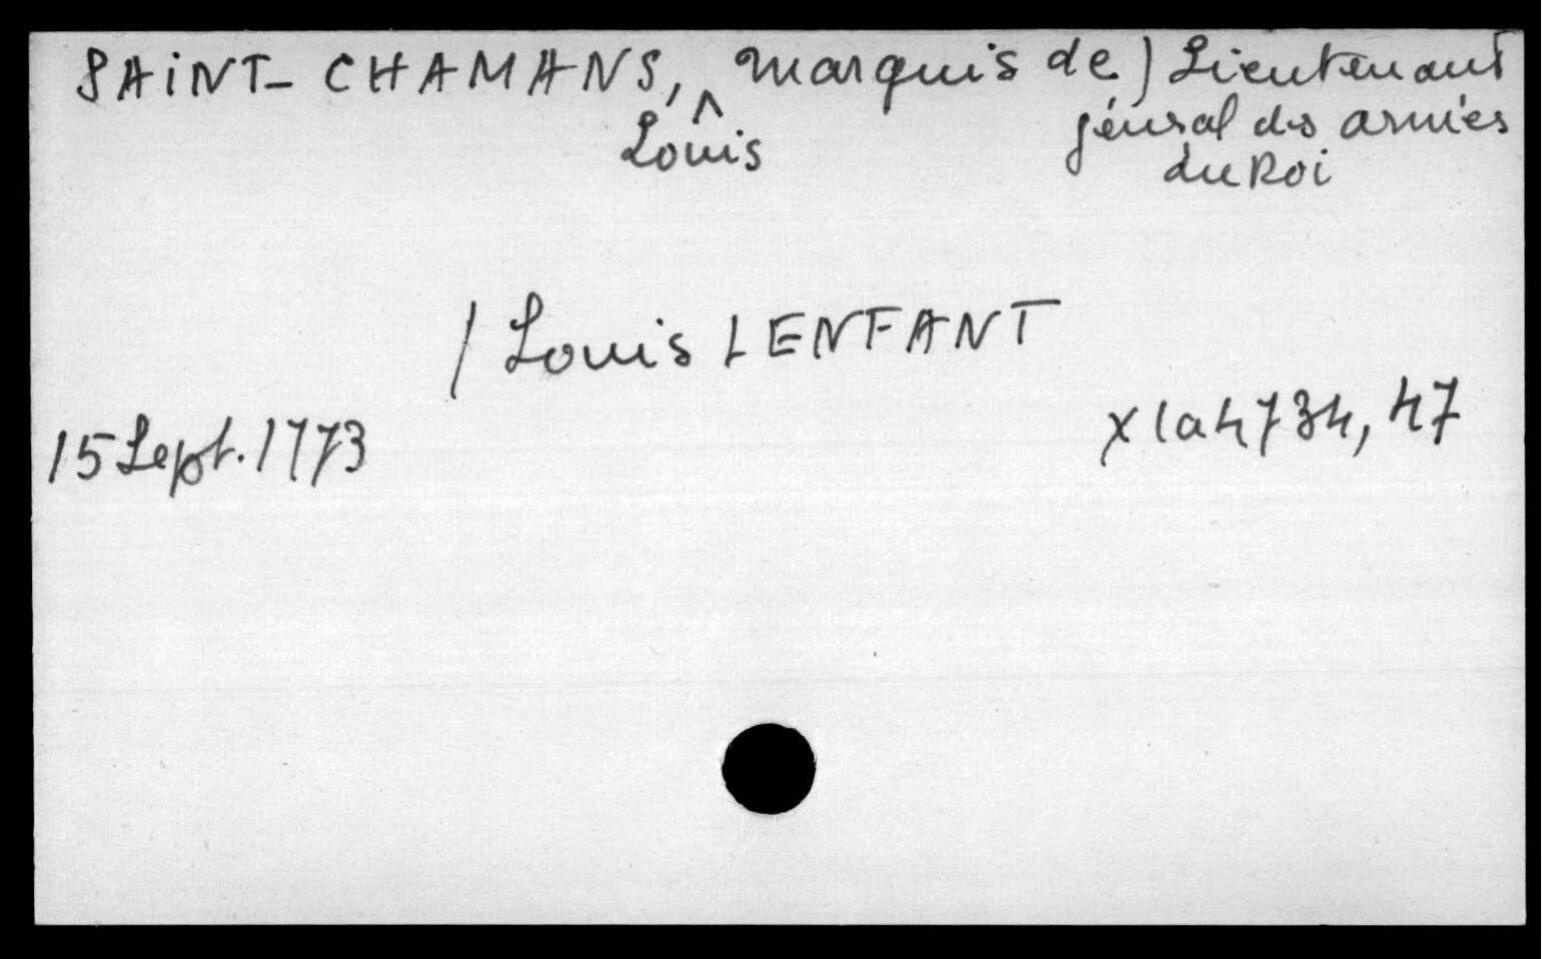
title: SAINT-CHAMANS, (Louis, marquis de) Lieutenant général des armées du roi
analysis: Contre Louis LENFANT
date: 15 septembre 1773
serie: X1a
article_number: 4734
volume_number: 47
